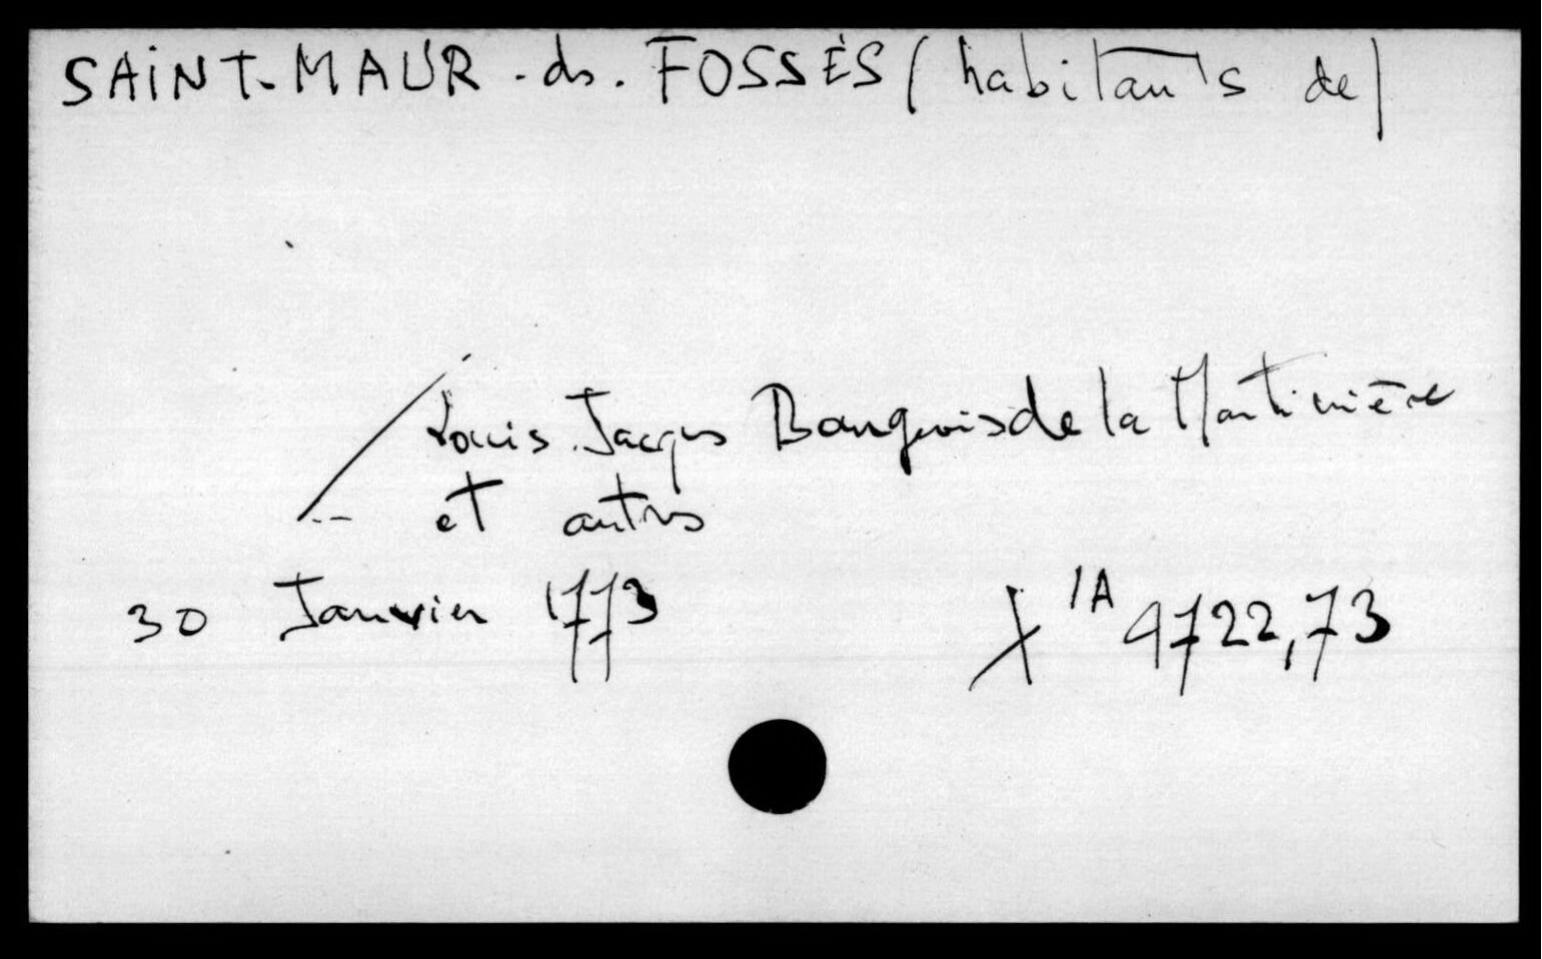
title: SAINT-MAUR des FOSSÉS (habitants de)
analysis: Contre Louis-Jacques Banguis de la Martinière et autres
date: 30 janvier 1773
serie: X1A
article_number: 4722
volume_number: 73
